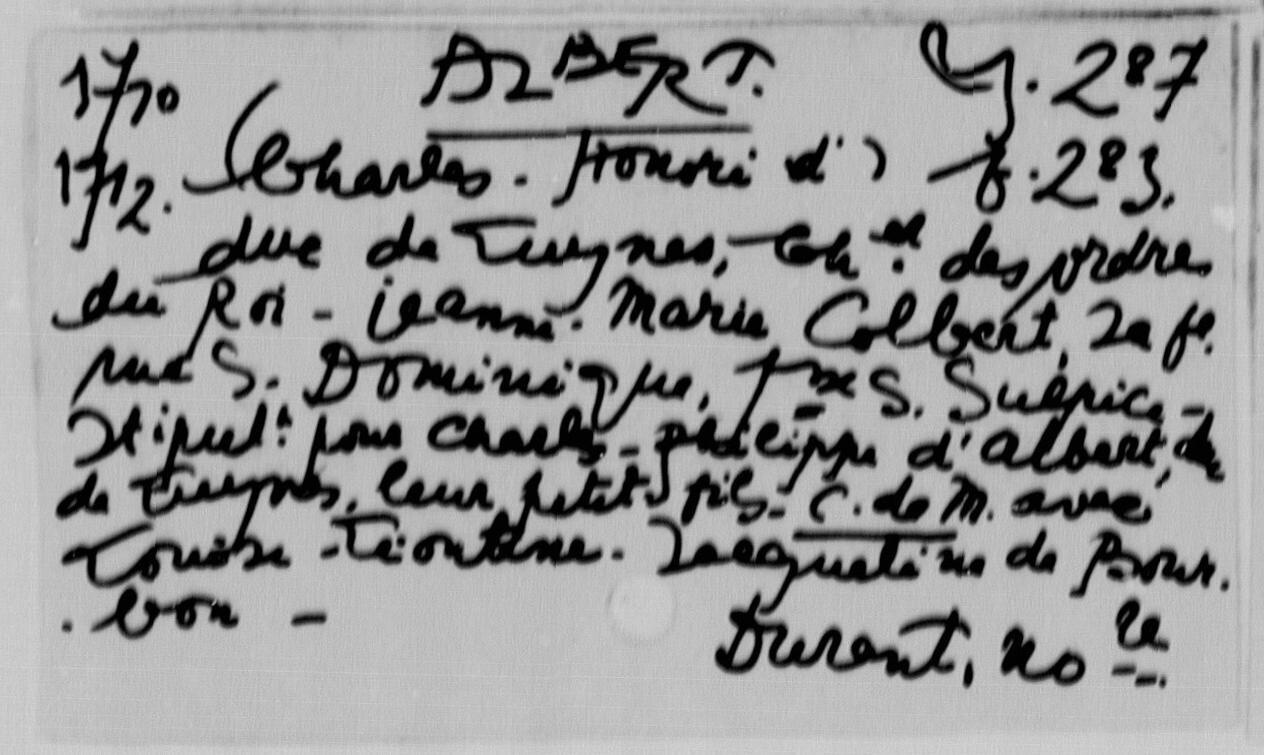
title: ALBERT (Charles-Honoré d')
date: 1710-1712
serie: Y
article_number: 287
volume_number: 283
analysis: Duc de Luynes, chevalier des ordres du roi. Jeanne-Marie COLBERT, sa femme. Rue Saint-Dominique, paroisse Saint-Sulpice. Stipulant pour Charles-Philippes d'ALBERT, duc de LUYNES, leur petit-fils. Contrat de mariage avec Louise-Léontine-Jacqueline de BOURBON. Durant, notaire.
